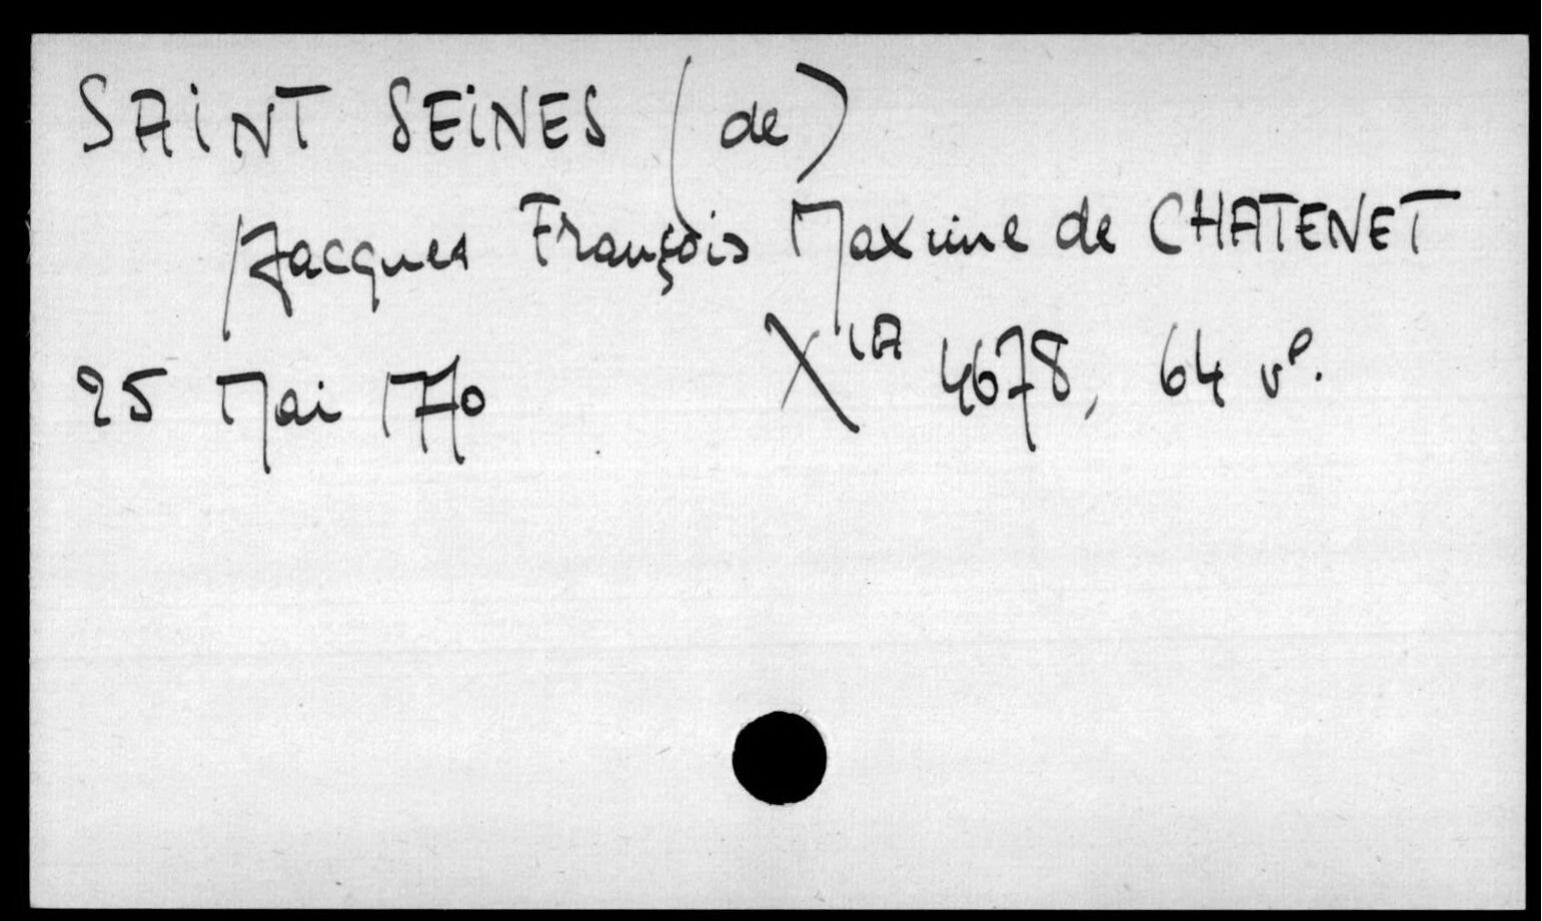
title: SAINT SEINES (de)
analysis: Contre Jacques François Maxine de CHATENET
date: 25 mai 1770
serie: X1A
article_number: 4678
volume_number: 64v
